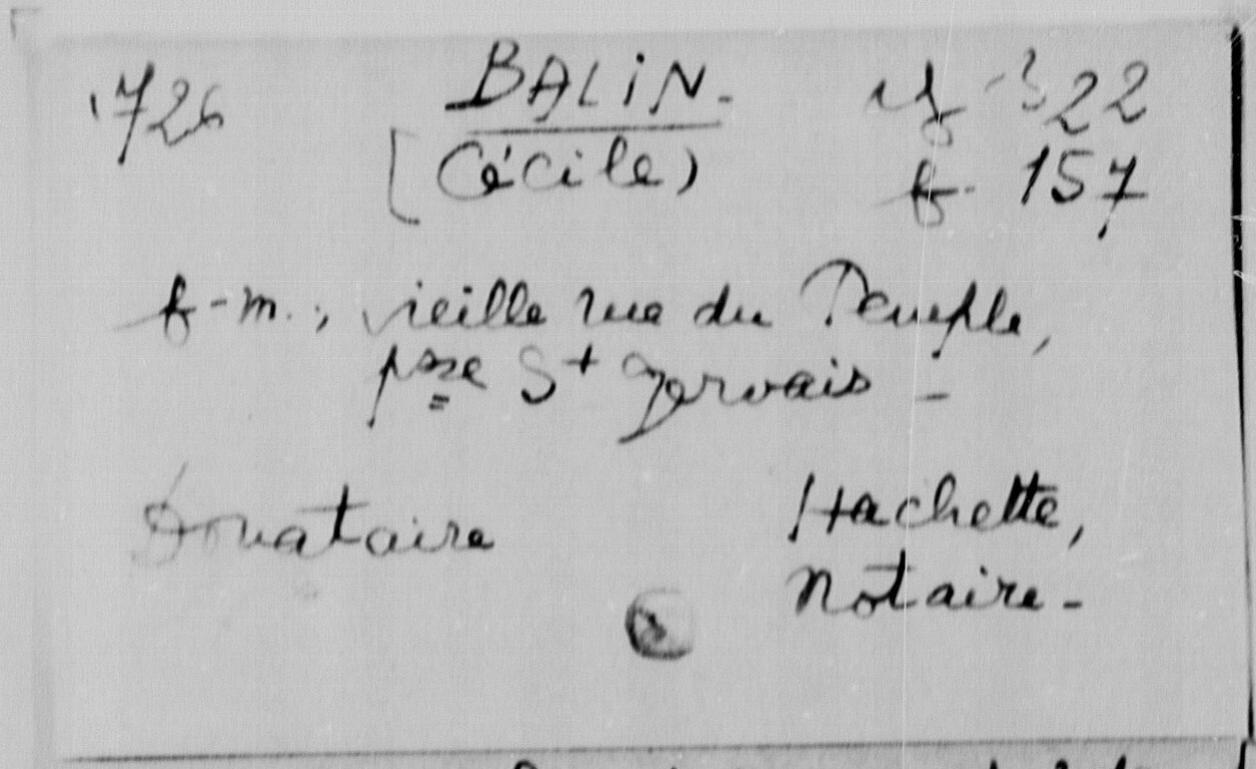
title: BALIN (Cécile)
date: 1726
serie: Y
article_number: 322
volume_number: folio 157
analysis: Fille majeure. vieille rue du Temple, paroisse Saint Gervais. Donataire Hachette, notaire
